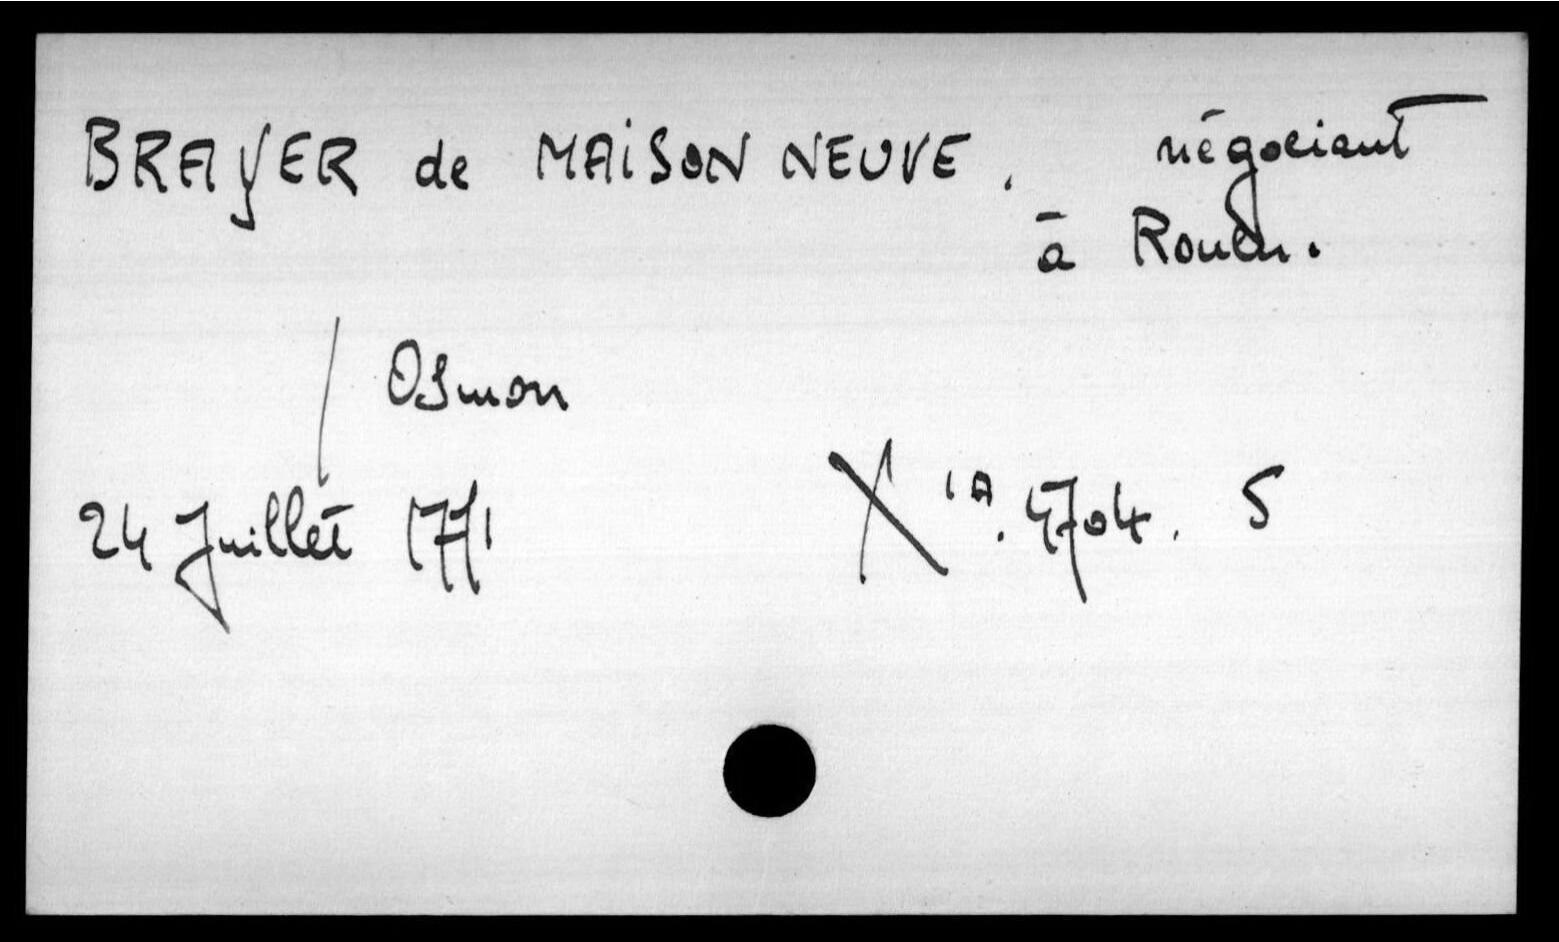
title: BRAYER de MAISON NEUVE, négociant à Rouen.
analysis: Contre Osmon
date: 24 juillet 1771
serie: X1A
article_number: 4704
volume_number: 5
